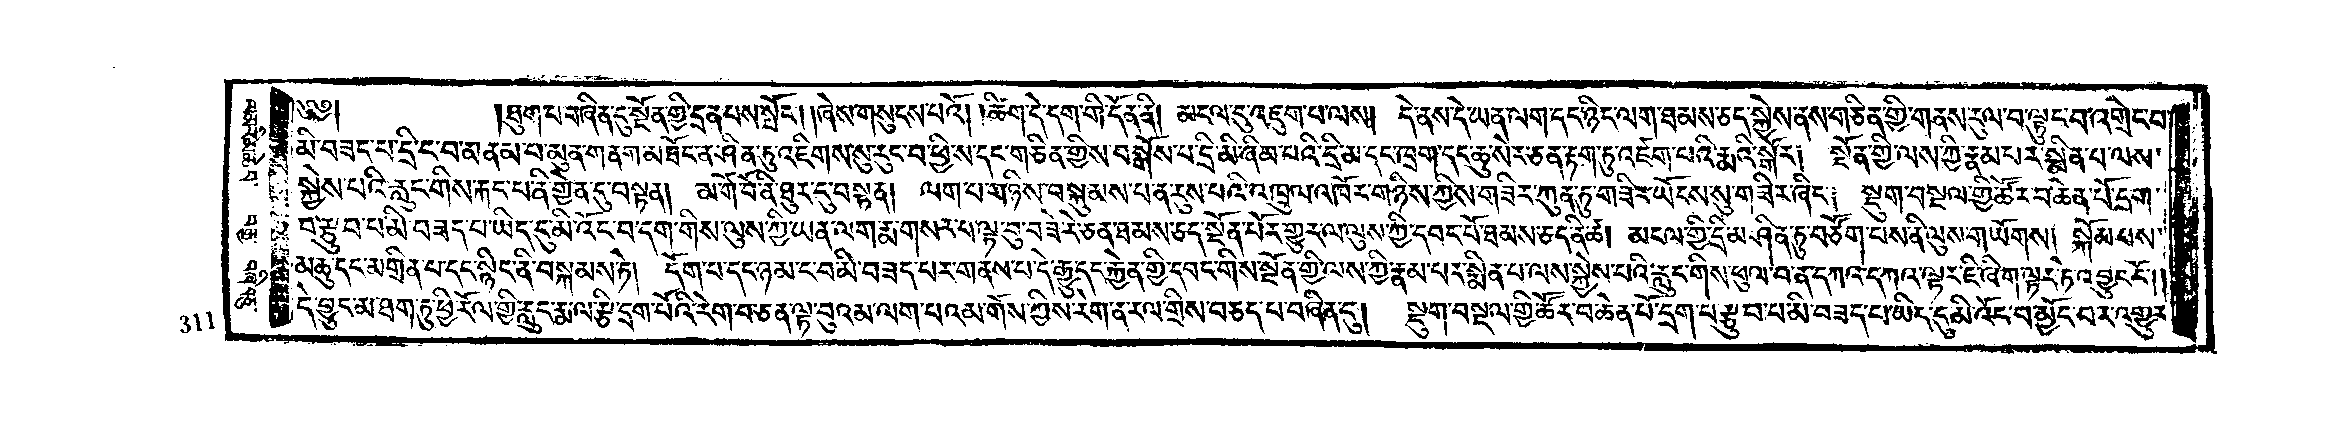༄༅། །ཏུག་པ་བཞིན་དུ་སྔོན་གྱི་དྲན་པས་སྤོང་། །ཞེས་གསུངས་པའོ། །ཚིག་དེ་དག་གི་དོན་ནི། མངལ་དུ་འཇུག་པ་ལས། དེ་ནས་དེ་ཡན་ལག་དང་ཉིང་ལག་ཐམས་ཅད་སྐྱེས་ནས་གཅིན་གྱི་གནས་རུལ་བ་ལྟུང་བ་འགྲེང་བ་
མི་བཟད་པ་དྲི་ང་བ་མནམ་པ་མུན་གནག་མཐོང་ན་ཤིན་ཏུ་འཇིགས་སུ་རུང་བ་ཕྱིས་དང་གཅིན་གྱིས་བསྒོས་པ་དྲི་མི་ཞིམ་པའི་དྲི་མ་དང་ཁྲག་དང་ཆུ་སེར་ཅན་རྟག་ཏུ་འཛག་པའི་རྨའི་སྒོར། སྔོན་གྱི་ལས་ཀྱི་རྣམ་པར་སྨིན་པ་ལས་
སྐྱེས་པའི་རླུང་གིས་རྐང་པ་ནི་གྱེན་དུ་བསྟན། མགོ་བོ་ནི་ཐུར་དུ་བསྟན། ལག་པ་གཉིས་བསྐུམས་པ་ན་རུས་པའི་འཁྲུལ་འཁོར་གཉིས་ཀྱིས་གཟིར་ཀུན་ཏུ་གཟིར་ཡོངས་སུ་གཟིར་ཞིང་། སྡུག་བསྔལ་གྱི་ཚོར་བ་ཆེན་པོ་དྲག་
པ་རྩུབ་པ་མི་བཟད་པ་ཡིད་དུ་མི་འོང་བ་དག་གིས་ལུས་ཀྱི་ཡན་ལག་རྨ་གསར་པ་ལྟ་བུ་བཟེ་རེ་ཅན་ཐམས་ཅད་སྔོན་པོར་གྱུར་ལ་ལུས་ཀྱི་དབང་པོ་ཐམས་ཅད་ནི་ཚ། མངལ་གྱི་དྲི་མ་ཤིན་ཏུ་བཙོག་པས་ནི་ལུས་གཡོགས། སྐོམ་པས་
མཆུ་དང་མགྲིན་པ་དང་སྙིང་ནི་བསྐམས་ཏེ། དོག་པ་དང་ཉམ་ང་བ་མི་བཟད་པར་གནས་པ་དེ་རྒྱུ་དང་རྐྱེན་གྱི་དབང་གིས་སྔོན་གྱི་ལས་ཀྱི་རྣམ་པར་སྨིན་པ་ལས་སྐྱེས་པའི་རླུང་གིས་ཕུལ་བ་ན་དཀའ་དཀའ་ལྟར་ཇི་ཞིག་ལྟར་ཏེ་འབྱུང་ངོ། །
དེ་བྱུང་མ་ཐག་ཏུ་ཕྱི་རོལ་གྱི་རླུང་རྨ་ལ་རྩི་དྲག་པོའི་རེག་པ་ཅན་ལྟ་བུའམ་ལག་པའམ་གོས་ཀྱིས་རེག་ན་རལ་གྲིས་བཅད་པ་བཞིན་དུ། སྡུག་བསྔལ་གྱི་ཚོར་བ་ཆེན་པོ་དྲག་པ་རྩུབ་པ་མི་བཟད་པ་ཡིད་དུ་མི་འོང་བར་འགྱུར་